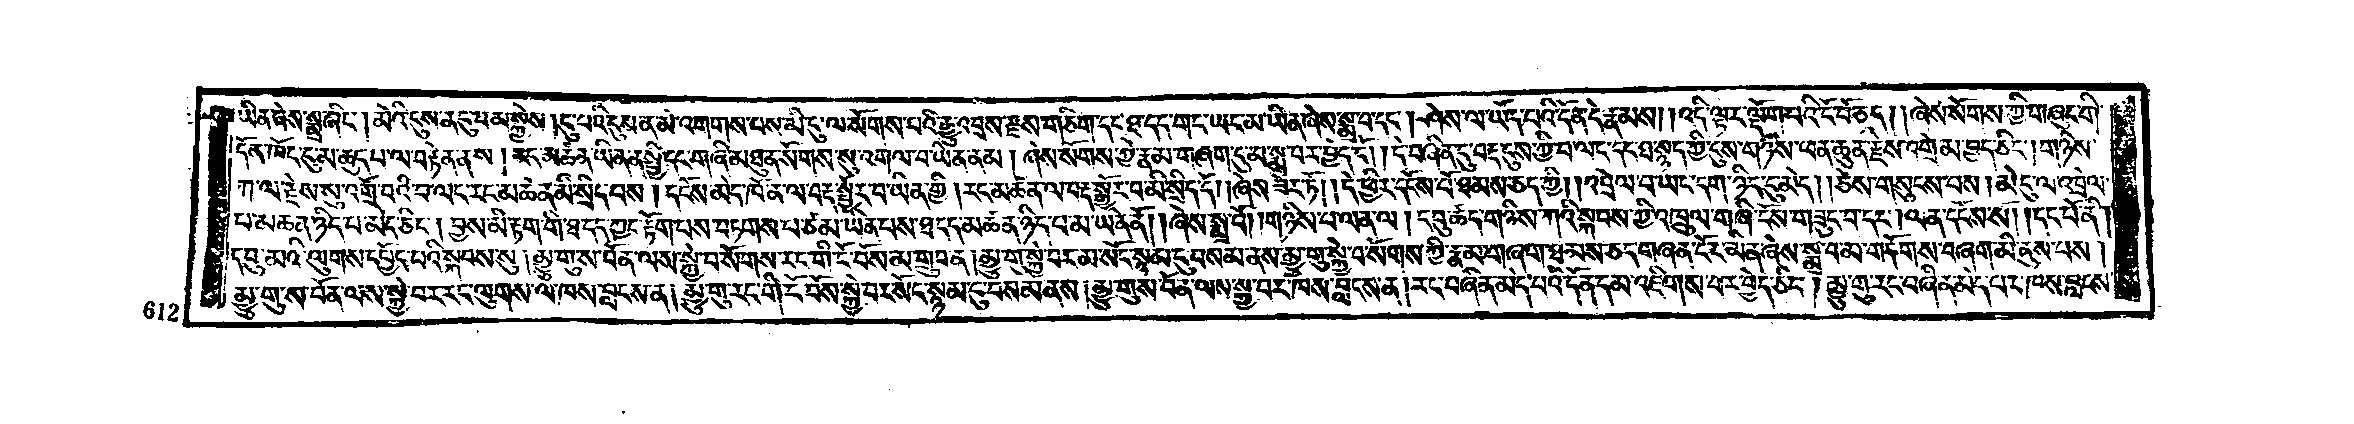ཡིན་ཞེས་སྨྲ་ཞིང་། མེའི་དུས་ན་དུ་བ་མ་སྐྱེས། དུ་བའི་དུས་ན་མེ་འགགས་པས་མི་དུ་ལ་སོགས་པའི་རྒྱུ་འབྲས་རྫས་གཅིག་དང་ཐ་དད་གང་ཡང་མ་ཡིན་ཞེས་སྨྲ་བ་དང་། ཤེས་ལ་ཡོད་པའི་དོན་དེ་རྣམས། འདི་ལྟར་ལྡོག་པའི་ངོ་བོ་ཅད། ། ཞེས་སོགས་ཀྱི་གཞུང་གི་
དོན་ཁོང་དུ་མ་ཆུད་པ་ལ་བརྟེན་ནས། རང་མཚན་ཡིན་ན་སྤྱི་དང་གཞི་མཐུན་སོགས་སུ་འགལ་བ་ཡིན་ནམ། ཞེས་སོགས་ཀྱི་རྣམ་གཞག་དུ་མ་སྨྲ་བར་བྱེད་དོ། །དེ་བཞིན་དུ་བརྡ་དུས་ཀྱི་བ་ལང་དང་ཐ་སྙད་ཀྱི་དུས་གཉིས་ཕན་ཚུན་རྗེས་འགྲོ་མ་བྱད་ཅིང་། གཉིས་
ཀ་ལ་རྗེས་སུ་འགྲོ་བའི་བ་ལང་རང་མཚན་མི་སྲིད་པས། དངོས་མེད་ཁོ་ན་ལ་བརྡ་སྦྱོར་བ་ཡིན་གྱི་།རང་མཚན་ལ་བརྡ་སྦྱོར་བ་མི་སྲིད་དོ། །ཞེས་ཟེར་ཏོ། །དེ་ཕྱིར་དངོས་པོ་ཐམས་ཅད་ཀྱི། །འབྲེལ་པ་ཡང་དག་ཉིད་དུ་མེད། །ཅེས་གསུགནས་པས། མེ་དུ་ལ་འབྲེལ་
པ་མཚན་ཉིད་པ་མེད་ཅིང་། བྱས་མི་རྟག་གི་ཐ་དད་ཀྱང་རྟོག་པས་བཏགས་པ་ཙམ་ཡིན་པས་ཐ་དད་མཚན་ཉིད་པ་མ་ཡིན་ནོ། །ཞེས་སྨྲ་བོ། །གཉིས་པ་ལན་ལ། དབུ་ཚད་གཉིས་ཀའི་སྐབས་ཀྱི་འཁྲུལ་གཞི་ངོས་གཟུང་བ་དང་། ལན་དངོས་སོ། །དང་པོ་ནི།
དབུ་མའི་ལུགས་དཔྱོད་པའི་སྐབས་སུ། །མྱུ་གུ་ས་བོན་ལས་སྐྱེ་བ་སོགས་རང་གི་ངོ་བོས་མ་གྲུབ་ན། མྱུར་གུ་སྐྱེ་བར་མ་སོང་སྙམ་དུ་བསམ་ནས་མྱུ་གུ་སྐྱེ་བ་སོགས་ཀྱི་རྣམ་གཞག་ཐམས་ཅད་གཞན་ངོར་མིན་ཞེས་སྨྲ་བ་མ་གདོགས་བཞག་མི་ནུས་པས།
མྱུ་གུ་ས་བོན་ལས་སྐྱེ་བར་རང་ལུགས་ལ་ཁས་བླངས་ནས། མྱུ་གུ་རང་གི་ངོ་བོས་སྐྱེ་བར་སོང་སྙམ་དུ་བསམ་ནས། མྱུ་གུ་ས་བོན་ལས་སྐྱེ་བར་ཁས་བླངས་ན། རང་བཞིན་མེད་པའི་དོན་དམ་འཇིགས་པར་བྱེད་ཅིང་། མྱུ་གུ་རང་བཞིན་མེད་པར་ཁས་བླངས་